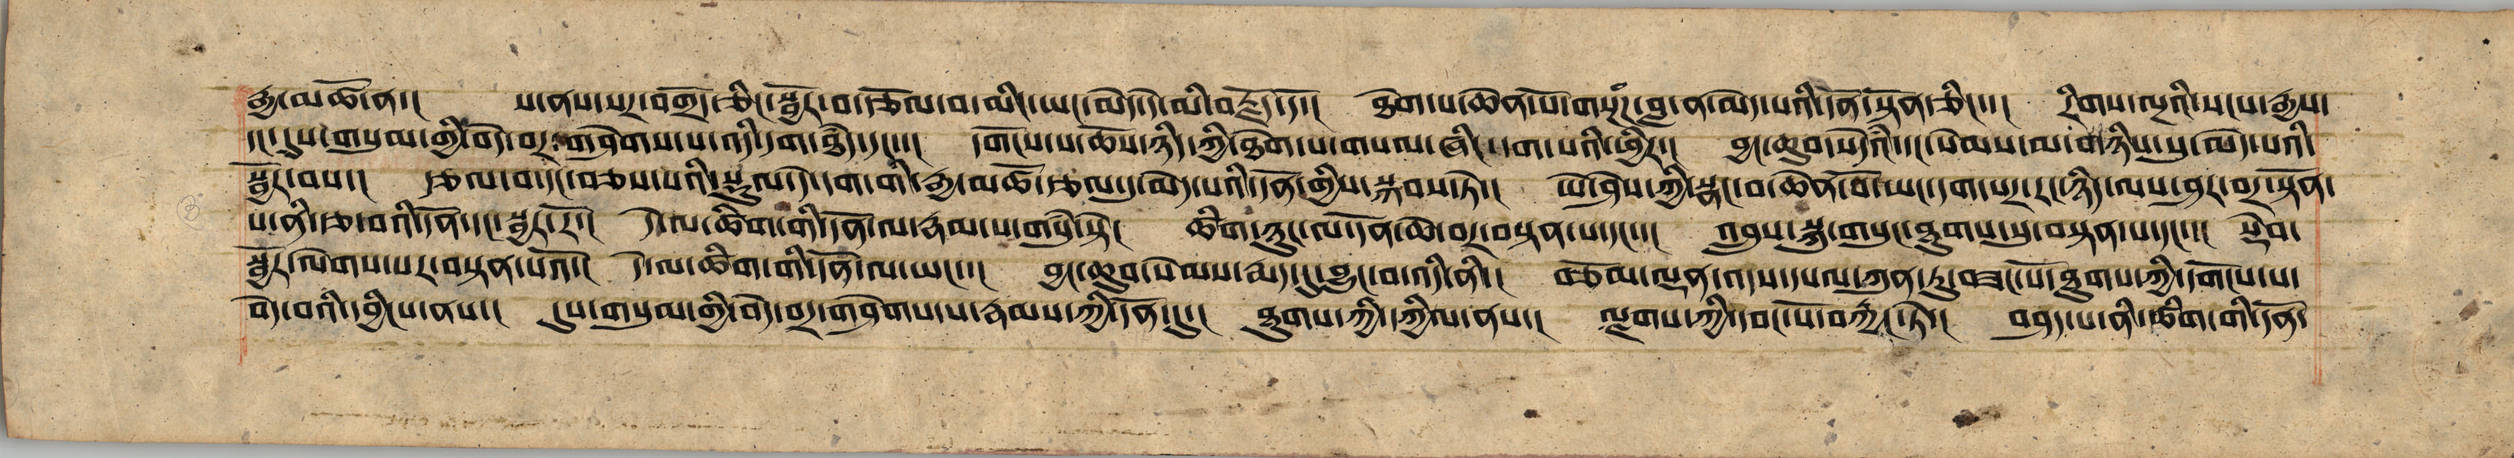རྒྱ་མཚོ་ན་། ས་ནས་སར་བགྲོད་ཅིང་སྦྱོར་བ་རྩོལ་བ་མིང་ཡང་མེད་དེ་མི་བརྗོད་དོ་། ཐེག་པ་ཆེན་པོ་གསྔཾཌ་བླ་ན་མེད་པའི་དོན་སྟོན་ཅིང་་། རིགས་ལྔའི་སངས་རྒྱས་
དང་དུས་གསུམ་གྱི་བདེ་བར་གཤེགས་པ་འདི་དག་ཐཾད་དང་་། དགོངས་པ་ཆོས་ཉིད་ཀྱི་ཐེག་པ་གསལ་ཞིང་དག་པའི་ཕྱིར་། བྱང་ཆུབ་སེདཾའ་དང་སེམས་མ་གཉིས་སུ་མེད་པའི་
སྦྱོར་བས་། རྩལ་བ་དང་བཅས་པའི་སྡུལ་དེ་དག་གི་རྒྱ་མཚོ་རྩལ་དུ་མེད་པའི་དོན་གྱིས་སྐབས་ཏེ་། ཡེ་ཤེས་ཀྱི་སྣང་བ་ཆེན་པོ་ཡང་དག་པར་རང་ཉིད་ལས་ཤར་བར་སྟོན་
ས་ནི་རྩ་བའི་དོན་དང་སྦྱར་རོ་། དེ་ལ་ཚིག་གི་དོན་ལ་རྣམ་པ་གསུཾ་སྟེ། ཚིག་ཉུང་ལ་དོན་ཆེ་བར་བསྟན་པ་དང་་། འབྲུས་སྐུ་གསུང་ཐུགས་སུ་བསྟན་པ་དང་་། སྡེབ་
སྦྱོར་ལེགས་པར་བསྟན་པའོ་། དེ་ལ་ཚིག་གི་དོན་ལ་ཡང་་། བྱང་ཆུབ་སེམས་རྨད་དུ་བྱུང་བ་འདི་ནི་། བཅོམ་ལྡན་འདས་དཔལ་ཀུན་ཏུ་བཟང་པོ་ཐུགས་ཀྱི་དགོངས་པ་
བདེ་བའི་དབྱིངས་ནས་། དུས་གསུམ་གྱི་བདེ་བར་གཤེགས་པ་རྣམས་ཀྱི་དོན་དུ་། ཐུགས་ཀྱི་དཀྱིལ་ནས་། ལྗགས་ཀྱི་དབང་པོ་བརྐྱང་ཏེ་། བཤད་པ་ནི་ཚིག་གི་དོན་